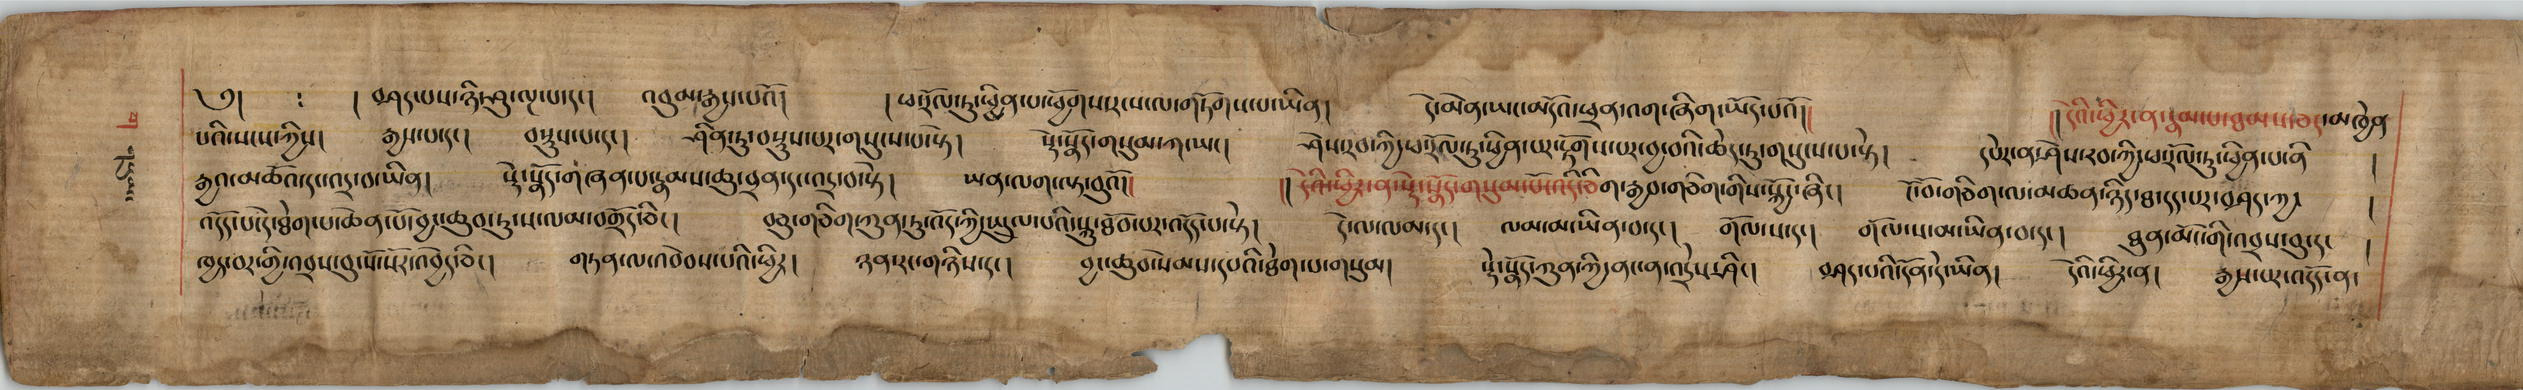༅། : ། བཤད་པས་ཉི་ཤུ་ལྔ་པ་དང། འབུམ་རྒྱས་པའོ། །ཕ་རོལ་ཏུ་སྤྱིན་པ་ཕྱོགས་ར་ས་ལ་གཏོགས་པ་ཡིན། དེ་མེན་ཡང་མདོའ་ཕྲན་འག་ཞིག་ཡོད་པའོ།། །།དེའི་ཕྱིར་ན་རྣམ་པ་ཐམས་ཅད་མཁྱེན
པའི་སང་ཀྱིས། རྒྱས་པ་དང ། བསྡུས་པ་དང། ཤིན་ཏུ་བསྡུས་པར་གསུངས་པ་སྟེ། སྡེ་སྣོད་གསུམ་ཀ་ཡང། ཤེས་རབ་ཀྱི་ཕ་རོལ་ཏུ་ཕྱིན་པར་རྟོགས་པར་བྱ་བའི་ཆེད་ཏུ་གསུངས་པ་སྟེ། དཔེར་ན་ཤེས་རབ་ཀྱི་ཕ་རོལ་ཏུ་ཕྱིན་པ་ནི
རྒྱའ་མཚོའ་དང་འདྲ་བ་ཡིན། སྡེ་སྣོད་གཞན་པ་རྣམས་ཆུ་བྲན་དང་འདྲ་བ་སྟེ། ཡན་ལག་ལྟ་བུའོ།། །།དེའི་ཕྱིར་ན་སྡེ་སྣོད་གསུམ་པོ་འདི་ཅིག་རྒྱབ་གཅིག་གིས་སྐྱོང་ཞིང། ངོ་བོ་གཅིག་ལ་མཚན་ཉིད་ཐ་དད་པར་བཤད་ཀྱ་
འདོད་པ་དེ་ཐེག་པ་ཆེན་པོ་བྱང་ཆུབ་ཏུ་ས་ལམ་བགྲོད་ཅིང ། བཅུ་གཅིག་ཀུན་ཏུ་འོད་ཀྱི་སྤྲུལ་པའི་སྐུ་ཐོབ་པར་འདོད་པ་སྟེ། དེ་ལ་ལམ་དང། ལམ་མ་ཡིན་པ་དང། གོལ་ས་དང། གོལ་ས་མ་ཡིན་བ་དང། ཐུན་མོང་གི་འབྲས་བུ་དང
ཁྱད་བར་གྱི་འབྲས་བུ་སོ་སོར་འབྱེད་ཅིང། གཏན་ལ་འབེབས་པའི་ཕྱིར། ཉན་རང་གཉིས་དང། བྱང་ཆུབ་སེམས་དཔའི་ཐེག་པ་གསུམ། སྡེ་སྣོད་ཀུན་ཀྱི་ནང་ན་འདྲེས་ཤིང། བཤད་པའི་དོན་དེ་ཡིན། དེའི་ཕྱིར་ན། རྒྱས་པར་འདོད་ན་